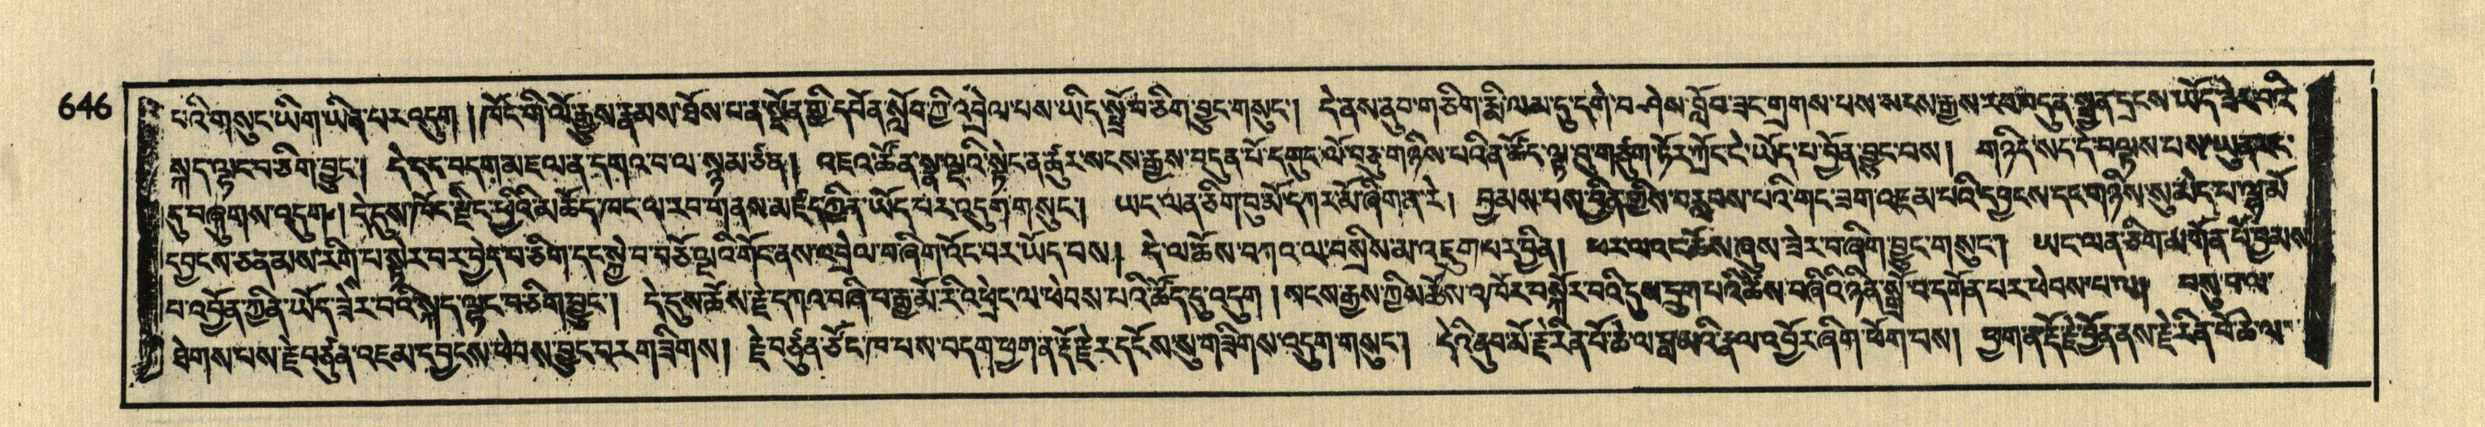པའི་གསུང་ཡིག་ཡིན་པར་འདུག །ཁོང་གི་ལོ་རྒྱུས་རྣམས་ཐོས་པ་ན་སྔོན་གྱི་དཔོན་སློབ་ཀྱི་འབྲེལ་པས་ཡིད་སྤྲོ་བ་ཅིག་བྱུང་གསུང་། དེ་ནས་ནུབ་གཅིག་རྨི་ལམ་དུ་དགེ་བཤེས་བློ་བཟང་གྲགས་པས་སངས་རྒྱས་རབ་བདུན་སྤྱན་དྲངས་ཡོད་ཟེར་བའི་
སྐད་ལྷང་བ་ཅིག་བྱུང་། དེ་དང་བདག་མཇལ་ན་དགའ་བ་ལ་སྙམ་ཙ་ན། འཇའ་ཚོན་སྣ་ལྔའི་སྟེང་ན་ཚུར་སངས་རྒྱས་བདུན་པོ་དགུང་ལོ་བཅུ་གཉིས་པའི་ན་ཚོང་ལྟ་བུ་གཙུག་ཏོར་ཀྲོང་དེ་ཡོད་པ་བྱོན་བྱུང་བས། གཉིད་སང་དེ་བལྟས་པས་ཡུན་རང་
དུ་བཞུགས་འདུག །དེ་དུས་ཁོང་རྫིང་ཕྱིའི་མཆོད་ཁང་ལ་རབ་གནས་མཛད་ཀྱིན་ཡོད་པར་འདུག་གསུང་། ཡང་ལན་ཅིག་བུ་མོ་དཀར་མོ་ཞིག་ན་རེ། བྱམས་པས་བྱིན་གྱིས་བརླབས་པའི་གང་ཟག་འཇམ་པའི་དབྱངས་དང་གཉིས་སུ་མེད་པ་ལྷ་མོ་
དབྱངས་ཅན་མས་རིགས་པ་སྟེར་བར་བྱེད་པ་ཅིག་དང་སྐྱེ་བ་བཅོ་ལྔའི་གོང་ནས་འབྲེལ་བ་ཞིག་འོང་བར་ཡོད་བས། དེ་ལ་ཆོས་བཀའ་ལ་བསྲིས་མ་འཇུག་པར་བྱིན། ཕར་ལའང་ཆོས་ཞུས་ཟེར་བ་ཞིག་བྱུང་གསུང་། ཡང་ལན་ཅིག་མགོན་པོ་བྱམས་
པ་འབྱོན་ཀྱིན་ཡོད་ཟེར་བའི་སྐད་ལྷང་བ་ཅིག་བྱུང་། དེ་དུས་ཆོས་རྗེ་དཀའ་བཞི་བརྒྱ་མོ་རི་འཕྲེང་ལ་ཕེབས་པའི་ཚོད་དུ་འདུག །སངས་རྒྱས་ཀྱིས་ཆོས་འཁོར་བསྐོར་བའི་དུས་དྲུག་པའི་ཚེས་བཞིའི་ཉིན་སྒྲོ་བ་དགོན་པར་ཕེབས་པ་ལ། བསུ་བ་ལ་
ཐེགས་པས་རྗེ་བཙུན་འཇམ་དབྱངས་ཕེབས་བྱུང་བར་གཟིགས། རྗེ་བཙུན་ཙོང་ཁ་པས་བདག་ཕྱག་ན་རྡོ་རྗེར་དངོས་སུ་གཟིགས་འདུག་གསུང་། དེའི་ནུབ་མོ་རྗེ་རིན་པོ་ཆེ་ལ་བླ་མའི་རྣལ་འབྱོར་ཞིག་ཕོག་བས། ཕྱག་ན་རྡོ་རྗེ་བྱོན་ནས་རྗེ་རིན་པོ་ཆེ་ལ་